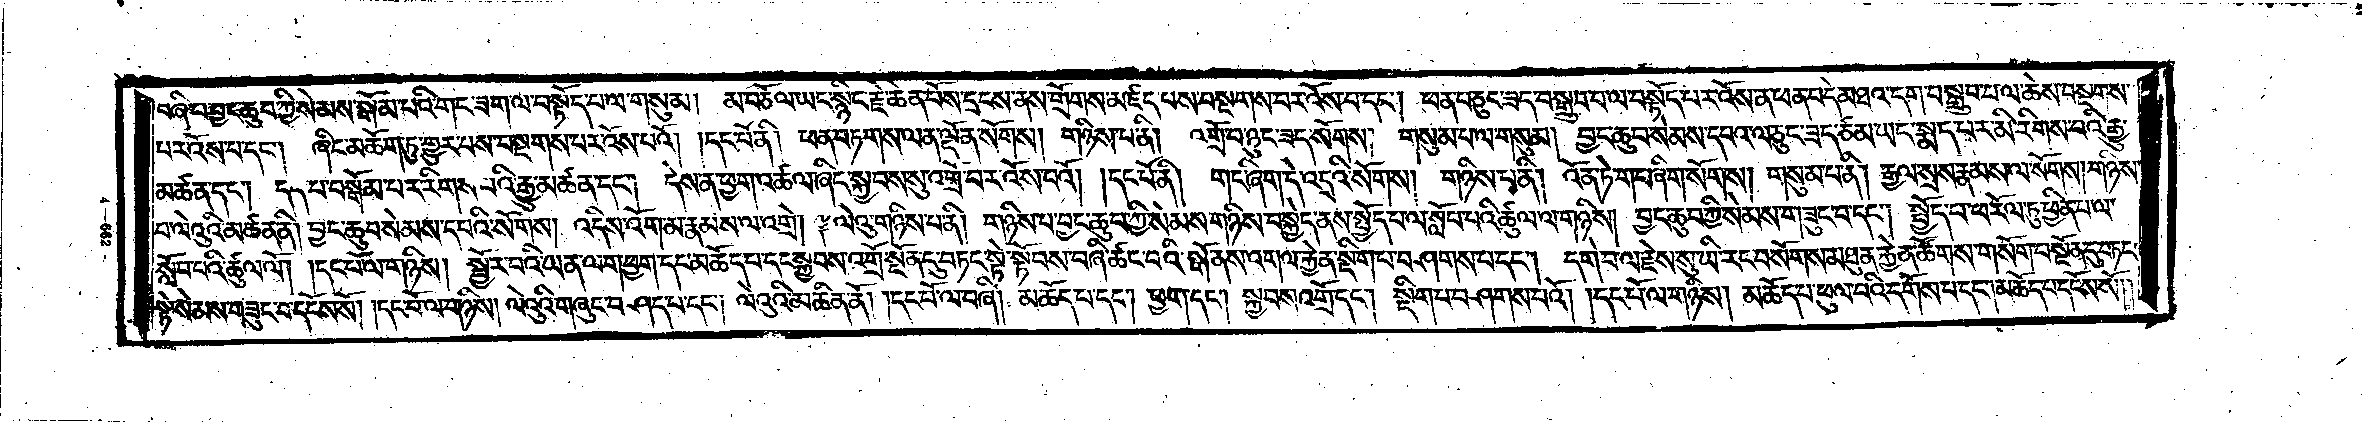བཞི་བ་བྱང་ཆུབ་ཀྱི་སེམས་སྒོམ་པའི་གང་ཟག་ལ་བསྟོད་པ་ལ་གསུམ། མ་བཅོལ་ཡང་སྙིང་རྗེ་ཆེན་པོས་དྲངས་ནས་གྲོགས་མཛད་པས་བསྔགས་བར་འོས་པ་དང་། ཕན་བཅུང་ཟད་བསྒྲུབ་པ་ལ་བསྟོད་པར་འོས་ན་ཕན་བདེ་མཐའ་དག་བསྒྲུབ་པ་ལ་ཆེས་བསྔགས་
པར་འོས་པ་དང་། ཞིང་མཆོག་ཏུ་གྱུར་པས་བསྔགས་པར་འོས་པའོ། །དང་པོ་ནི། ཕན་བཏགས་ལན་ལྡོན་སོགས། གཉིས་པ་ནི། འགྲོ་བ་ཉུང་ཟད་སོགས། གསུམ་པ་ལ་གསུམ། བྱང་ཆུབ་སེམས་དཔའ་ལ་ཅུང་ཟད་ཙམ་ཡང་སྨད་པར་མི་རིགས་པའི་རྒྱུ་
མཚན་དང་། དད་པ་བསྒོམ་པར་རིགས་པའི་རྒྱུ་མཚན་དང་། དེས་ན་ཕྱག་འཚལ་ཞིང་སྐྱབས་སུ་འགྲོ་བར་འོས་པའོ། །དང་པོ་ནི། གང་ཞིག་དེ་འདྲའི་སོགས། གཉིས་པ་ནི། འོན་ཏེ་གང་ཞིག་སོགས། གསུམ་པ་ནི། རྒྱལ་སྲས་རྣམས་ལ་སོགས། གཉིས་
བ་ལེའུའི་མཚན་ནི། བྱང་ཆུབ་སེམས་དཔའི་སོགས། འདིས་འོག་མ་རྣམས་ལ་འགྲོ། ༈ ལེའུ་གཉིས་པ་ནི། གཉིས་པ་བྱང་ཆུབ་ཀྱི་སེམས་གཉིས་བསྐྱེད་ནས་སྤྱོད་པ་ལ་སློབ་པའི་ཚུལ་ལ་གཉིས། བྱང་ཆུབ་ཀྱི་སེམས་གཟུང་པ་དང་། སྤྱོད་པ་ཕ་རོལ་ཏུ་ཕྱིན་པ་ལ་
སློབ་པའི་ཚུལ་ལོ། །དང་པོ་ལ་གཉིས། སྦྱོར་པའི་ཡན་ལག་ཕྱག་དང་མཆོད་པ་དང་སྐྱབས་འགྲོ་སྔོན་དུ་བཏང་སྟེ་སྟོབས་བཞི་ཚང་བའི་སྒོ་ནས་འགལ་རྐྱེན་སྡིག་པ་བཤགས་པ་དང་། དགེ་བ་ལ་རྗེས་སུ་ཡི་རང་བ་སོགས་མཐུན་རྐྱེན་ཚོགས་གསོག་བ་སྔོན་དུ་བཏང་
སྟེ་སེམས་གཟུང་བ་དངོས་སོ། །དང་པོ་ལ་གཉིས། ལེའུའི་གཞུང་བཤད་པ་དང་། ལེའུའི་མཆིན་ནོ། །དང་པོ་ལ་བཞི། མཆོད་པ་དང་། ཕྱག་དང་། སྐྱབས་འགྲོ་དང་། སྡིག་པ་བཤགས་པའོ། །དང་པོ་ལ་གཉིས། མཆོད་པ་ཕུལ་པའི་དགོས་པ་དང་། མཆོད་པ་དངོས་སོ། །